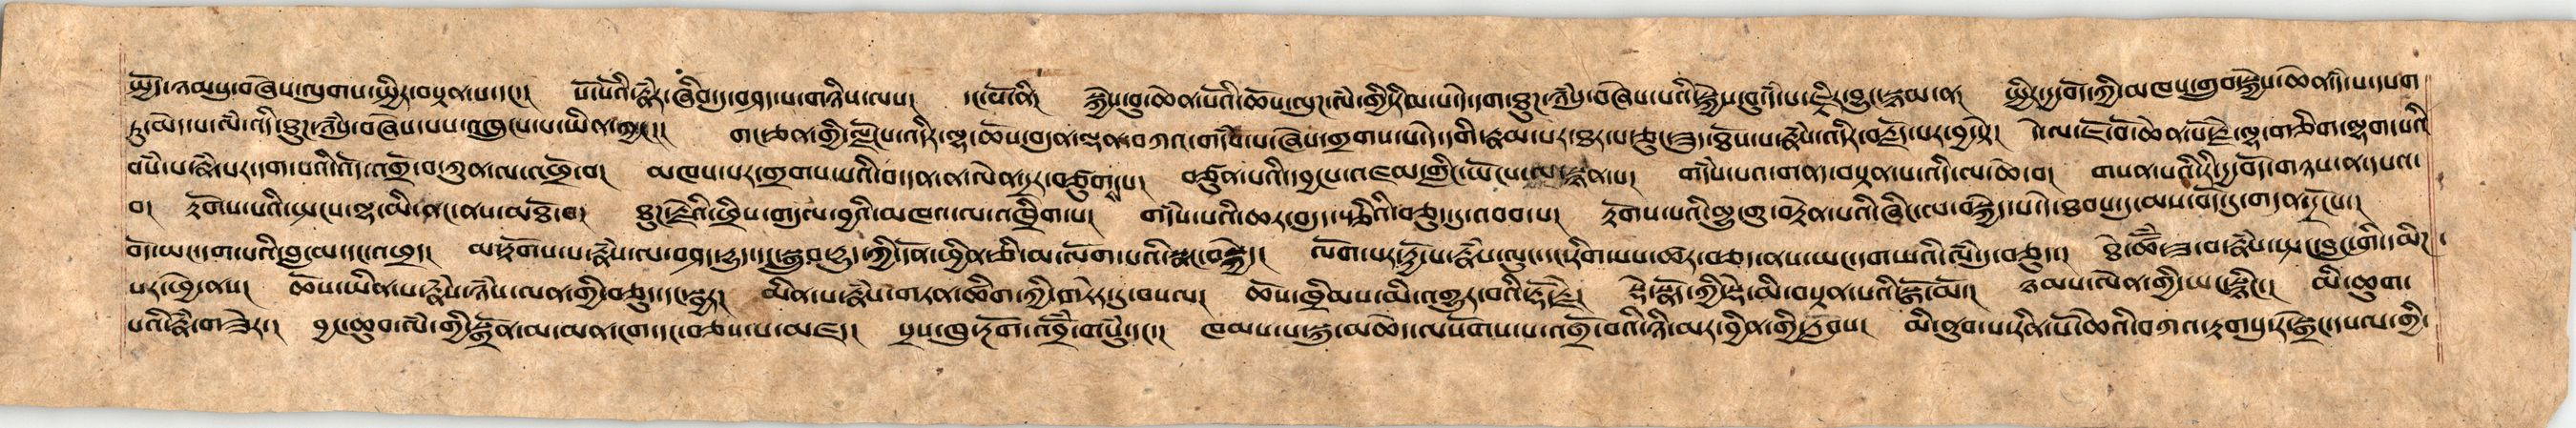སྤྱོད་ཉམསུ་བཞེས་ལུགས་སྤྱིར་བསྟན་པ་དང་། སོ་སོའི་རྣཾར་ཞིབ་དུ་བཤད་པ་གཉིས་ལས། དང་པོ་ནི། སྐྱེས་བུ་ཆེན་པོའི་ཆོས་ལུཌ་ལཾ་གྱི་རིམ་པ་དེ་དག་ཐུཌ་ཉཾསུ་བཞེས་པའི་སྐྱེས་བུ་དཾ་པ་ཇྟིར་བྱུང་སྙམ་ན། སྤྱིར་དྱ་བོད་ཀྱི་མཁས་གྲུབ་སྐྱེས་ཆེན་དཾ་པ་དཔག
ཏུ་མེད་པ་ལཾ་འདི་ཐུཌ་ཉཾསུ་བཞེས་པས་འཁྲུངས་པ་ཡིན་ཀྱང་། གང་ཅན་གྱི་ལྗོངས་འདིར་ལྷ་ཆོས་བདུན་ལྡན་བཀའ་གདཾས་པ་ཞེས་གྲགས་པ་དེ་དགི་རྣམ་པར་ཐར་པ་ཅུང་ཟུད་ཐོས་པ་རྣཾས་འདིར་བརྗོད་པར་བྱ་སྟེ། དེ་ལ་ཇོ་བོ་ཆེན་པོ་ལྷ་གཅིག་ལྷག་པའི
བསཾ་པ་རྣཾ་པར་དག་པའི་འོད་འགྲོ་བ་ཀུན་ལ་འཕྲོ་བ། མཁས་པར་གྲགས་པའི་བ་དན་ན་ལེན་དྲར་བཙུགས་པ། བཙུན་པའི་དབྱངས་འཛམ་གླིང་ཡོངས་ལ་སྙན་པ། གདཾས་པའ་གནད་བསྟན་པ་འདི་ལ་ཆེ་བ། གསན་པའི་རི་དྱ་བོད་གཉས་ན་དཔའ་
བ། རྟོགས་པའི་སྤངས་ལྷ་མི་ནང་ནས་མཐོ་བ། ཐུཌ་རྗེའི་ཕྲིས་གདུལ་བྱའི་མཁའ་ལ་འཁྲིག་པ། གདཾས་པའི་ཆར་བདུད་རྩིའི་བཅུད་དུ་འབབ་པ། རྟོགས་པའི་མྱུ་གུ་བརྟེན་པའི་ཞིང་ལ་བསྐྱེད་པ་དེ་ཐབས་དུ་མས་བོད་དུ་གདན་དྲོངས་།
བོད་ཡང་དག་པའི་བླ་མ་དང་འཕྲད། མ་རྟོགས་པ་རྣཾས་ལ་བཤད་རྒྱུད་དང་སྒྲུབ་རྒྱུད་ཀྱི་དོན་ཕྱིན་ཅི་མ་ལོག་པའི་སྣང་བསྐྱེད་། ལོག་པར་རྟྱོ་པ་རྣཾས་ལུང་དང་རིག་པས་ཚར་བཅད་ནས་ཡང་དག་པའི་ལཾ་དུ་བཅུད་། ཐེ་ཚོཾ་ཟ་བ་རྣཾས་སྤང་བླང་གི་དམིཌ་
པར་ཕྱེ་ནས། ཆོས་ཡིན་པ་རྣཾས་ཉཾས་ལན་གྱི་བཅུད་དང་སྦྱར། མིན་པ་རྣཾས་གཏན་ཚིག་ཀྱི་གཏེར་དུ་བསལ། ཆོས་ཁྲིམས་མི་འགྱུར་བའི་རྡོ་རྗེ། སྡེ་སྣོད་ཀྱི་ལྡེ་མི་བསྟན་པའི་སྒོ་མོ་། ཉམས་ལེན་གྱི་ཡང་སྙིང་། མི་ཆུག་
པའི་རྣྃ་གཟེར། བྱང་ཆུབ་ལྃ་གྱི་སྒྲོན་མ་མན་ངག་དང་བཅས་པ་མཛད། སྲས་ཁུ་རྔོག་འབྲོྃ་གསུྃ་དང་། ཁམས་པ་སྐུ་མཆེད་ལསོགས་པ་འགྲོ་བའི་ཉི་མར་བྱིན་གྱི་རློབས། མི་ནུབ་པ་རིན་པོ་ཆེའི་བཀའ་རྟགསུ་ར་སྒྲེང་དཔལ་གྱི་